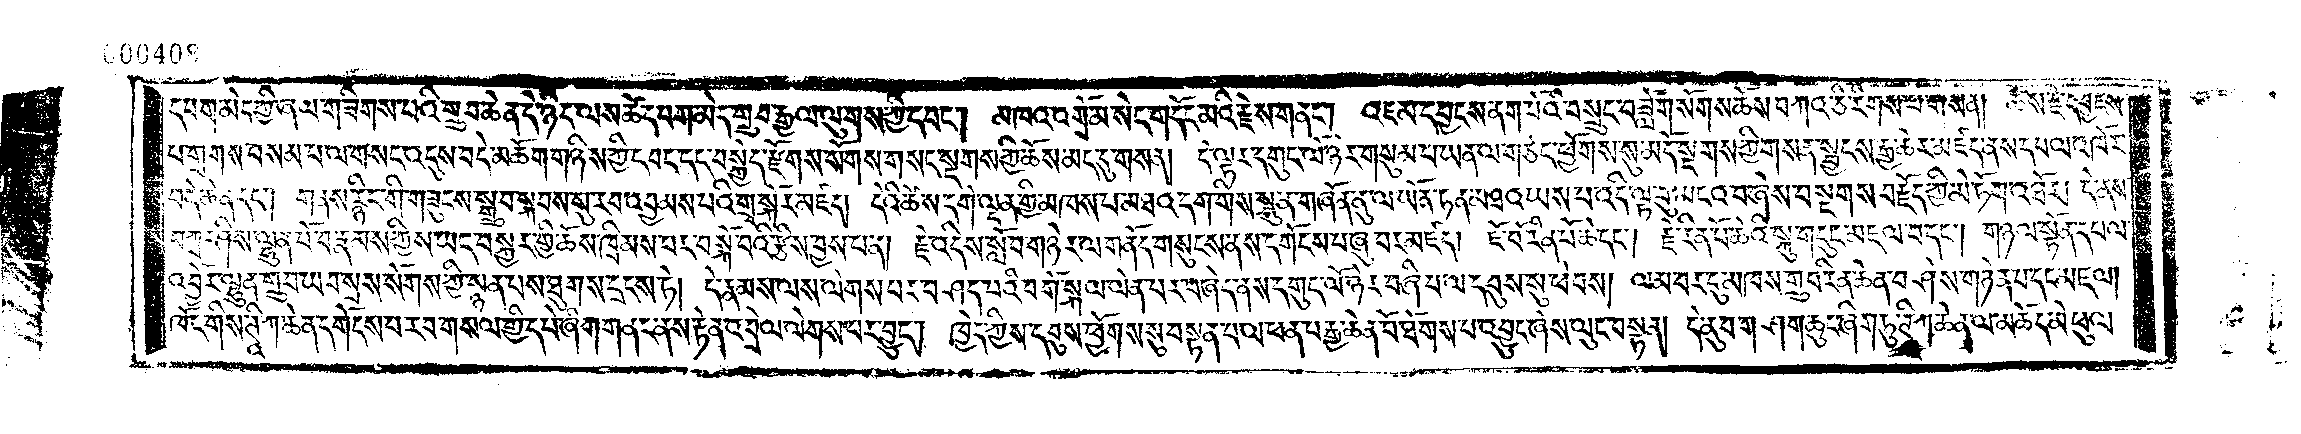དཔག་མེད་ཀྱི་ཞལ་གཟིགས་པའི་གྲུབ་ཆེན་དེ་ཉིད་ལས་ཚེ་དཔག་མེད་གྲུབ་རྒྱལ་ལུགས་ཀྱི་དབང་། མཁའ་འགྲོ་མ་སེང་གདོང་མའི་རྗེས་གནང་། འཇམ་དབྱངས་ནག་པོའི་བསྲུང་བཟློག་སོགས་ཆོས་བཀའ་ཅི་རིགས་པ་གསན། ཆོས་རྗེ་དབྱངས་
པ་གྲགས་བསམ་པ་ལ་གསང་འདུས་བདེ་མཆོག་གཉིས་ཀྱི་དབང་དང་བསྐྱེད་རྫོགས་སོགས་གསང་སྔགས་ཀྱི་ཆོས་མང་དུ་གསན། དེ་ལྟར་དགུང་ལོ་ཉེར་གསུམ་པ་ཡན་ལ་གཙང་ཕྱོགས་སུ་མདོ་སྔགས་ཀྱི་གསན་སྦྱངས་རྒྱ་ཆེར་མཛད་ནས་དཔལ་འཁོར་
བདེ་ཆེན་དང་། གནས་རྙིང་གི་གཟུངས་སྒྲུབ་སྐབས་སུ་རབ་འབྱམས་པའི་གྲྭ་སྐོར་མཛད། དེའི་ཚེ་ས་དགེ་ལྡན་གྱི་མཁས་པ་མཐའ་དག་གིས་སྐུ་ན་གཞོན་ནུ་ལ་ཡོན་ཏན་མཐའ་ཡས་པ་འདི་ལྟ་བུ་མངའ་བ་ཞེས་བསྔགས་བརྗོད་ཀྱི་མེ་ཏོག་འཐོར། དེ་ནས་
བཀྲ་ཤིས་ལྷུན་པོ་བ་རྣམས་ཀྱིས་ཡང་བསྐྱར་གྱི་ཆོས་ཁྲིམས་པར་བསྐོ་བའི་རྩིས་བྱས་པ་ན། རྗེ་འདིས་སློབ་གཉེར་ལ་གནོད་གསུངས་ནས་དགོངས་པ་ཞུ་བར་མཛད། ཇོ་བོ་རིན་པོ་ཆེ་དང་། རྗེ་རིན་པོ་ཆེའི་སྐུ་གདུང་མཇལ་བ་དང་། གཉལ་སྟོན་དཔལ་
འབྱོར་ལྷུན་གྲུབ་ཡབ་སྲས་སོགས་ཀྱི་སྙན་པས་ཐུགས་དྲངས་ཏེ། དེ་རྣམས་ལས་ལེགས་པར་བཤད་པའི་བགོ་སྐལ་ལེན་པར་བཞེད་ནས་དགུང་ལོ་ཉེར་བཞི་པ་ལ་དབུས་སུ་ཕེབས། ལམ་བར་དུ་མཁས་གྲུབ་རིན་ཆེན་བཤེས་གཉེན་པ་དང་མཇལ།
ཁོང་གིས་ཊཱི་ཀ་ཆེན་དགོངས་པ་རབ་གསལ་གྱི་དཔེ་ཞིག་གནང་ནས་རྟེན་འབྲེལ་ལེགས་པར་བྱུང་། ཁྱེད་ཀྱིས་དབུས་ཕྱོགས་སུ་བསྟན་པ་ལ་ཕན་པ་རྒྱ་ཆེན་པོ་ཐོགས་པ་འབྱུང་ཞེས་ལུང་བསྟན། དེ་ནུབ་གཤག་ཆུང་ཞིག་ཏུ་ཊཱིཨཀ་ཆེན་ལ་མཆོད་མེ་ཕུལ་